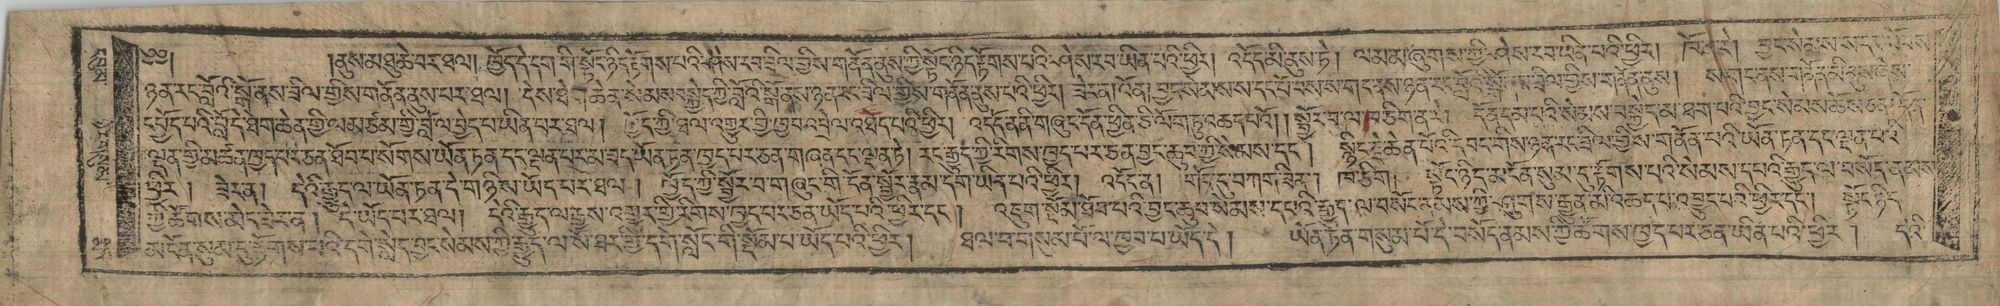༄༅། །ནུས་མཐུ་ཆེ་བར་ཐལ། ཁྱོད་དེ་དག་གི་སྟོང་ཉིད་རྟོགས་པའི་ཤེས་རབ་ཟིལ་གྱིས་གནོན་ནུས་ཀྱི་སྟོང་ཉིད་རྟོགས་པའི་ཤེས་རབ་ཡིན་པའི་ཕྱིར། འདོད་མི་ནུས་ཏེ། ལམ་མ་ཞུགས་ཀྱི་ཤེས་རབ་ཡིན་པའི་ཕྱིར། ཁོ་ན་རེ། བྱང་སེམས་ས་དང་པོ་བས་
ཉན་རང་བློའི་སྒོ་ནས་ཟིལ་གྱིས་གནོན་ནུས་པར་ཐལ། དེས་ཐེག་ཆེན་སེམས་བསྐྱེད་ཀྱི་བློའི་སྒོ་ནས་ཉན་རང་ཟིལ་གྱིས་གནོན་ནུས་པའི་ཕྱིར། ཟེར་ན། འོ་ན། བྱང་སེམས་ས་དང་པོ་བས་ས་གང་ནས་ཉན་རང་བློའི་སྒོ་ནས་ཟིལ་གྱིས་གནོན་ནུས། ས་གང་ནས་གནོན་མི་ནུས་ཞེས་
དཔྱོད་པའི་བློ་དེ་ཐེག་ཆེན་གྱི་ལམ་ཙམ་གྱི་བློ་ལ་བྱེད་པ་ཡིན་པར་ཐལ། ཁྱོད་ཀྱི་ཐལ་འགྱུར་གྱི་ཁྱབ་འབྲེལ་འཐད་པའི་ཕྱིར། འདོད་ན་ནི་གཞུང་དོན་ཕྱིན་ཅི་ལོག་ཏུ་འཆད་པའོ། །སྦྱོར་བ་ལ་ཁ་ཅིག་ན་རེ། དོན་དམ་པའི་སེམས་བསྐྱེད་མ་ཐག་པའི་བྱང་སེམས་ཆོས་ཅན། དོན་
ལྡན་གྱི་མཚན་ཁྱད་པར་ཅན་ཐོབ་པ་སོགས་ཡོན་ཏན་དང་ལྡན་པར་མ་ཟད་ཡོན་ཏན་ཁྱད་པར་ཅན་གཞན་དང་ལྡན་ཏེ། རང་རྒྱུད་ཀྱི་རིགས་ཁྱད་པར་ཅན་བྱང་ཆུབ་ཀྱི་སེམས་དང་། སྙིང་རྗེ་ཆེན་པོའི་དབང་གིས་ཉན་རང་ཟིལ་གྱིས་གནོན་པའི་ཡོན་ཏན་དང་ལྡན་པའི་
ཕྱིར། ཟེར་ན། དེའི་རྒྱུད་ལ་ཡོན་ཏན་དེ་གཉིས་ཡོད་པར་ཐལ། ཁྱོད་ཀྱི་སྦྱོར་བ་གཞུང་གི་དོན་སྦྱོར་རྣམ་དག་ཡིན་པའི་ཕྱིར། འདོད་ན། གོང་དུ་བཀག་ཟིན། ཁ་ཅིག །སྟོང་ཉིད་མངོན་སུམ་དུ་རྟོགས་པའི་སེམས་དཔའི་རྒྱུད་ལ་བསོད་ནམས་
ཀྱི་ཚོགས་མེད་ཟེར་ན། དེ་ཡོད་པར་ཐལ། དེའི་རྒྱུད་ལ་རྒྱས་འགྱུར་གྱི་རིགས་ཁྱད་པར་ཅན་ཡོད་པའི་ཕྱིར་དང་། འཇུག་སྡོམ་ཐོབ་པའི་བྱང་ཆུབ་སེམས་དཔའི་རྒྱུད་ལ་བསོད་ནམས་ཀྱི་ཤུགས་རྒྱུན་མི་འཆད་པ་འབྱུང་བའི་ཕྱིར་དང་། སྟོང་ཉིད་
མངོན་སུམ་དུ་རྟོགས་པའི་དགེ་སློང་བྱང་སེམས་ཀྱི་རྒྱུད་ལ་སོ་ཐར་གྱི་དགེ་སློང་གི་སྡོམ་པ་ཡོད་པའི་ཕྱིར། ཐལ་བ་གསུམ་པོ་ལ་ཁྱབ་པ་ཡོད་དེ། ཡོན་ཏན་གསུམ་པོ་དེ་བསོད་ནམས་ཀྱི་ཚོགས་ཁྱད་པར་ཅན་ཡིན་པའི་ཕྱིར། དེའི་